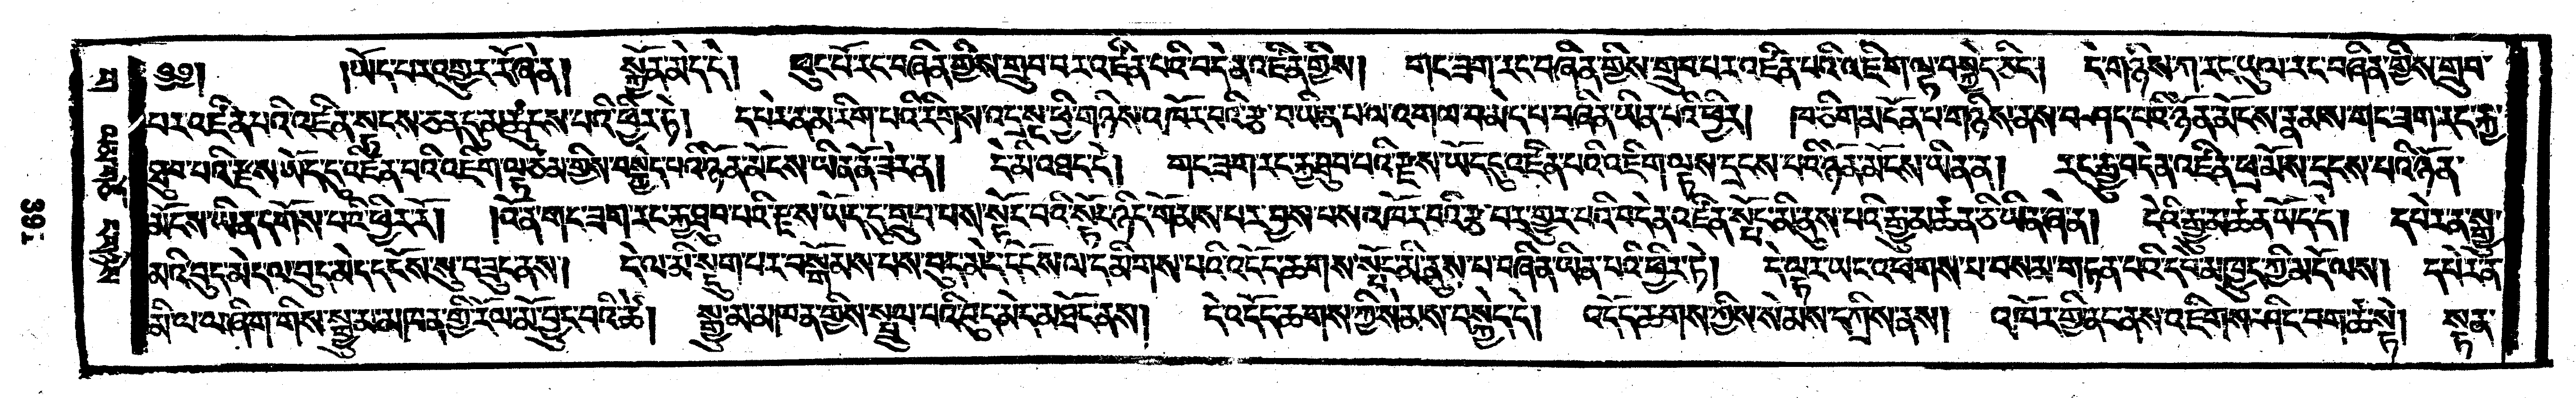༄༅། །ཡོད་པར་འགྱུར་རོ་ཞེ་ན། སྐྱོན་མེད་དེ། ཕུང་པོ་རང་བཞིན་གྱིས་གྲུབ་པར་འཛིན་པའི་བདེན་འཛིན་གྱིས། གང་ཟག་རང་བཞིན་གྱིས་གྲུབ་པར་འཛིན་པའི་འཇིག་ལྟ་བསྐྱེད་ཅིང་། དེ་གཉིས་ཀ་རང་ཡུལ་རང་བཞིན་གྱིས་གྲུབ་
པར་འཛིན་པའི་འཛིན་སྟངས་ཅན་དུ་མཚུངས་པའི་ཕྱིར་ཏེ། དཔེར་ན་མ་རིག་པའི་རིགས་འདྲ་སྔ་ཕྱི་གཉིས་འཁོར་བའི་རྩ་བ་ཡིན་པ་ལ་འགལ་བ་མེད་པ་བཞིན་ཡིན་པའི་ཕྱིར། ཁ་ཅིག་མངོན་པ་གཉིས་ནས་བཤད་པའི་ཉོན་མོངས་རྣམས་གང་ཟག་རང་རྐྱ་
ཐུབ་པའི་རྫས་ཡོད་དུ་འཛིན་པའི་འཇིག་ལྟ་ཙམ་གྱིས་བསྐྱེད་པའི་ཉོན་མོངས་ཡིན་ནོ་ཟེར་ན། དེ་མི་འཐད་དེ། གང་ཟག་རང་རྐྱ་ཐུབ་པའི་རྫས་ཡོད་དུ་འཛིན་པའི་འཇིག་ལྟས་དྲངས་པའི་ཉོན་མོངས་ཡིན་ན། རང་རྒྱུ་བདེན་འཛིན་ཕྲ་མོས་དྲངས་པའི་ཉོན་
མོངས་ཡིན་དགོས་པའི་ཕྱིར་རོ། །འོ་ན་གང་ཟག་རང་རྐྱ་ཐུབ་པའི་རྫས་ཡོད་དུ་གྲུབ་པས་སྟོང་པའི་སྟོང་ཉིད་གོམས་པར་བྱས་པས་འཁོར་བའི་རྩ་བར་གྱུར་བའི་བདེན་འཛིན་སྤོང་མི་ནུས་པའི་རྒྱུ་མཚན་ཅི་ཡིན་ཞེ་ན། དེའི་རྒྱུ་མཚན་ཡོད་དེ། དཔེར་ན་སྒྱུ་
མའི་བུད་མེད་ལ་བུད་མེད་དངོས་སུ་བཟུང་ནས། དེ་ལ་མི་སྡུག་པར་བསྒོམས་པས་བུད་མེད་དངོས་ལ་དམིགས་པའི་འདོད་ཆགས་སྤོང་མི་ནུས་པ་བཞིན་ཡིན་པའི་ཕྱིར་ཏེ། དེ་ལྟར་ཡང་འཕགས་པ་བསམ་གཏན་པའི་དཔེ་མ་ཁྱུད་ཀྱི་མདོ་ལས། དཔེར་ན་
མི་ལ་ལ་ཞིག་གིས་སྒྱུ་མ་མཁན་གྱི་རོལ་མོ་བྱུང་བའི་ཚེ། སྒྱུ་མ་མཁན་གྱིས་སྤྲུལ་པའི་བུད་མེད་མཐོང་ནས། དེ་འདོད་ཆགས་ཀྱི་སེམས་བསྐྱེད་དེ། འདོད་ཆགས་ཀྱིས་སེམས་དཀྲིས་ནས། འཁོར་གྱི་ནང་ནས་འཇིགས་ཤིང་བག་ཚ་སྟེ། སྟན་